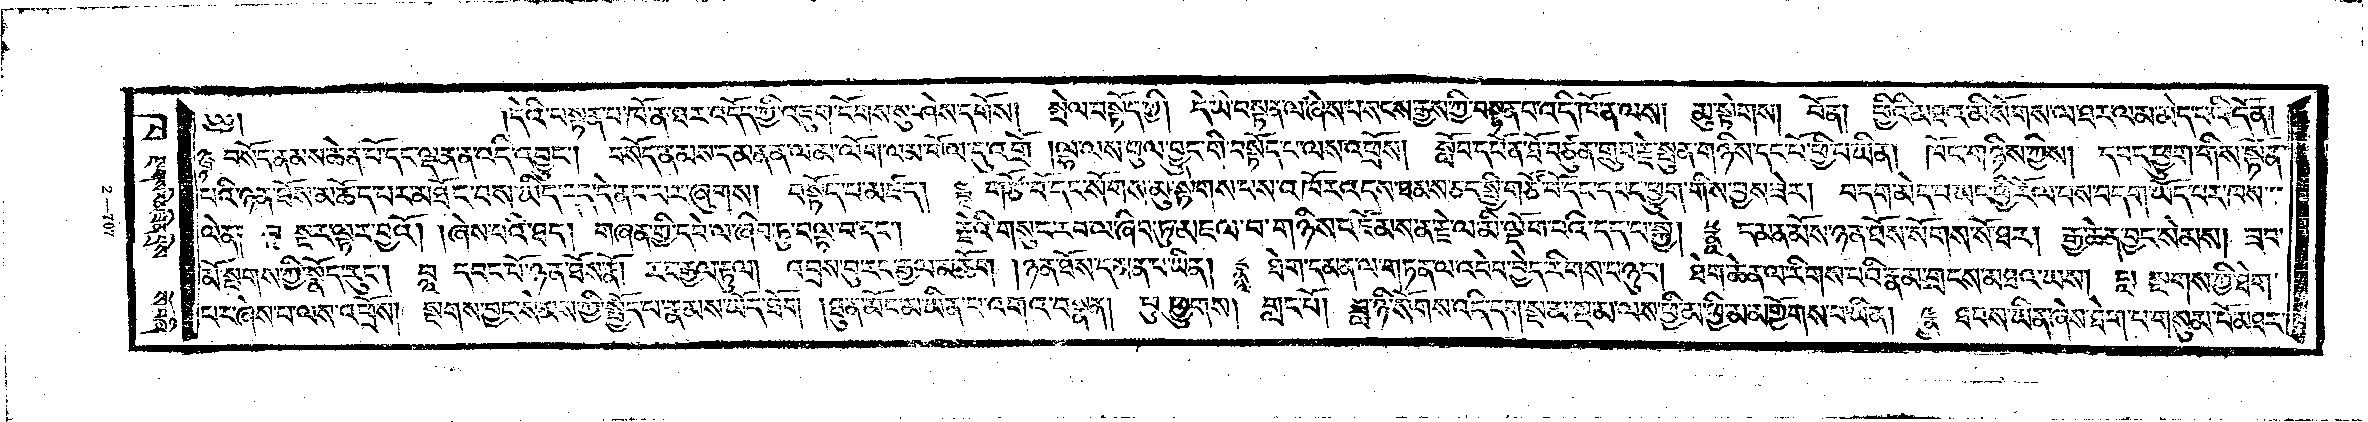༄༅། །དེའི་བསྟན་པ་ཁོ་ན་ཐར་འདོད་ཀྱི་འཇུག་ངོགས་སུ་ཤེས་དགོས། སྤེལ་བསྟོད་ཀྱི། དེ་ཡི་བསྟན་ལ་ཞེས་པ་སངས་རྒྱས་ཀྱི་བསྟན་པ་འདི་ཁོ་ན་ལས། མུ་སྟེགས། བོན། ཕྱིའི་མཐའ་མི་སོགས་ལ་ཐར་ལམ་མེད་པའི་དོན།
༢བ༡་བསོད་ནམས་ཆེན་པོ་དང་ལྡན་ན་འདི་འབྱུང་། བསོད་ནམས་དམན་ན་ལམ་ལོག་ལམ་གོལ་དུ་འགྲོ་།ལྷ་ལས་ཕུལ་བྱུང་གི་བསྟོད་པ་ལས་འཕྲོས། སློབ་དཔོན་ཐོ་བཙུན་གྲུབ་རྗེ་སྤུན་གཉིས་དང་པོ་ཕྱི་བ་ཡིན། ཁོང་གཉིས་ཀྱིས། དབང་ཕྱུག་གིས་སྟོན་
བའི་ཉན་ཐོས་མཆོད་པར་མཐོང་བས་ཡིད་དད་དེ་ནང་པར་ཞུགས། བསྟོད་པ་མཛད། ༤བ༢་གཙོ་བོ་དང་སོགས་མུ་སྟེགས་པས་འཁོར་འདས་ཐམས་ཅད་སྤྱི་གཙོ་བོ་དང་དབང་ཕྱུག་གིས་བྱས་ཟེར། བདག་མེད་པ་ཡང་ཕྱི་རོལ་པས་བདག་ཡོད་པར་ཁས་
ལེན༑ བ༢་སྔར་ལྟར་བྱའོ། །ཞེས་པའི་ཐད། གཞན་གྱི་དཔེ་ལ་ཞིབ་ཏུ་བལྟ་བ་དང་། རྗེའི་གསུང་རབ་ལ་ཞིབ་ཏུ་མཇལ་བ་གཉིས་འཛོམས་ན་རྗེ་ལ་མི་ལྡོག་པའི་དད་པ་སྐྱེ། ༥ན༢་དམན་མོས་ཉན་ཐོས་སོགས་སོ་ཐར། རྒྱ་ཆེན་བྱང་སེམས། ཟབ་
མོ་སྔགས་ཀྱི་སྣོད་རུང་། བ༣་དབང་པོ་ཉན་ཐོས་རྣོ། རང་རྒྱལ་རྟུལ། འབྲས་བུ་རང་རྒྱལ་མཆོག །ཉན་ཐོས་དམན་པ་ཡིན། ༨ན༣་ཐེག་དམན་ལ་གཏན་ལ་འབེབ་བྱེད་རིགས་པ་ཉུང་། ཐེག་ཆེན་ལ་རིགས་པའི་རྣམ་གྲངས་མཐའ་ཡས། པ༢་སྔགས་ཀྱི་ཐེག་
པར་ཞེས་པ་ལས་འཕྲོས། སྔགས་བྱང་སེམས་ཀྱི་སྤྱོད་པ་རྣམས་ཡོད་ཐོག །ཐུན་མོང་མ་ཡིན་པ་འགའ་བསྣན། བ༦་ཕྱུགས། གླང་པོ། ཟླ་ཉི་སོགས་འདི་དག་སྔ་མ་སྔ་མ་ལས་ཕྱི་མ་ཕྱི་མ་མགྱོགས་པ་ཡིན། ༩ན༤་ཐབས་ཡིན་ཞེས་ཐེག་པ་གསུམ་པོ་མཐའ་